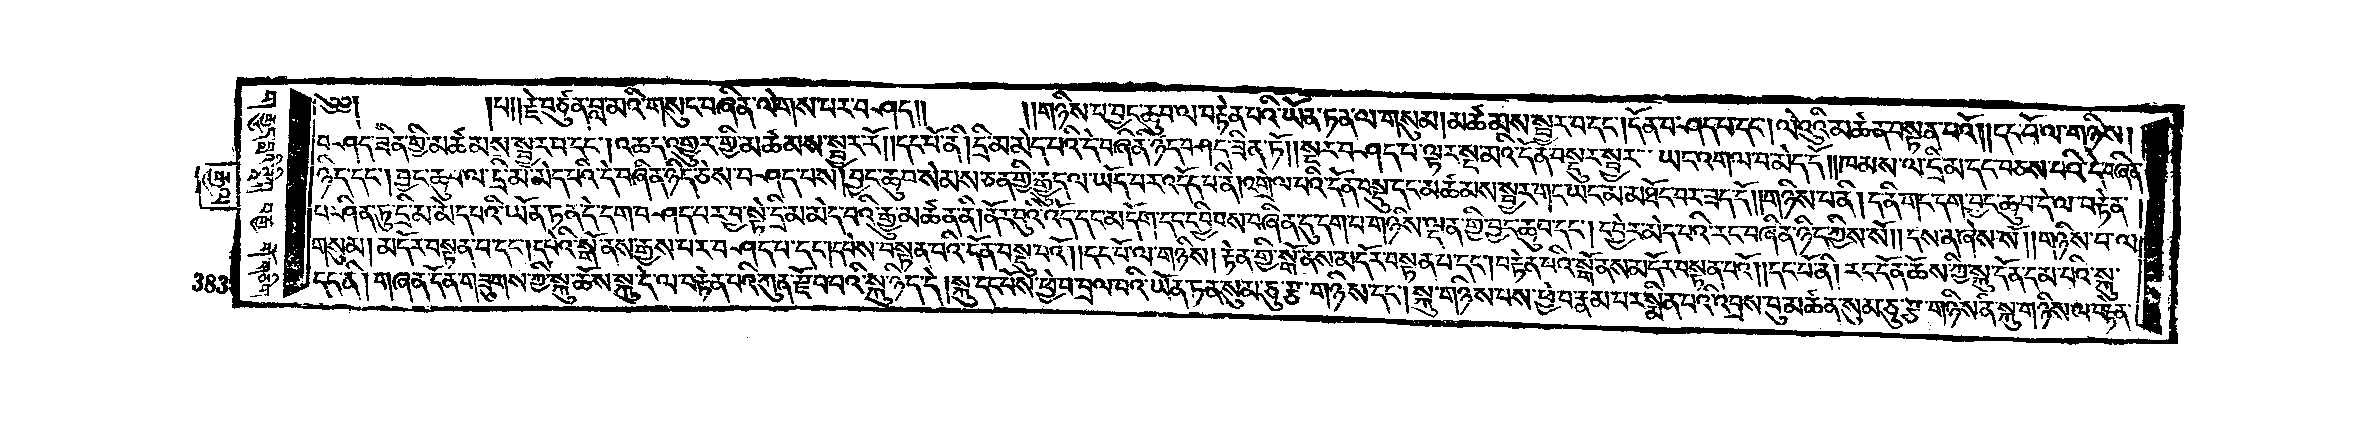༄༅། །པ༑ ༑རྗེ་བཙུན་བླ་མའི་གསུང་བཞིན་ལེགས་པར་བཤད།། །།གཉིས་པ་བྱང་ཆུབ་ལ་བརྟེན་པའི་ཡོན་ཏན་ལ་གསུམ། མཚམས་སྦྱར་བ་དང་། དོན་བཤད་པ་དང་། ལེའུའི་མཚན་བསྟན་པའོ། །དང་པོ་ལ་གཉིས།
བཤད་ཟིན་གྱི་མཚམས་སྦྱར་བ་དང་། འཚད་འགྱུར་གྱི་མཚམས་སྦྱར་རོ། །དང་པོ་ནི། དྲི་མ་མེད་པའི་དེ་བཞིན་ཉིད་བཤད་ཟིན་ཏོ། །སྔར་བཤད་པ་ལྟར་སྔ་མའི་དོན་བསྡུར་སྦྱར་ཡང་འགལ་བ་མེད་དོ། །ཁམས་ལ་དྲི་མ་དང་བཅས་པའི་དེ་བཞིན་
ཉིད་དང་། བྱང་ཆུབ་ལ་དྲི་མ་མེད་པའི་དེ་བཞིན་ཉིད་ཅེས་བཤད་པས། བྱང་ཆུབ་སེམས་ཅན་གྱི་རྒྱུད་ལ་ཡོད་པར་འདོད་པ་ནི། འགྲེལ་པའི་དོན་བསྡུ་དང་མཚམས་སྦྱར་གང་ཡང་མ་མཐོང་བར་ཟད་དོ། །གཉིས་པ་ནི། ད་ནི་གང་དག་བྱང་ཆུབ་དེ་ལ་བརྟེན་
པ་ཤིན་ཏུ་དྲི་མ་མེད་པའི་ཡོན་ཏན་དེ་དག་བཤད་པར་བྱ་སྟེ་དྲི་མ་མེད་པའི་རྒྱུ་མཚན་ནི། ནོར་བུའི་འོད་དང་མདོག་དང་དབྱིབས་བཞིན་དུ་དག་པ་གཉིས་ལྡན་གྱི་བྱང་ཆུབ་དང་། དབྱེར་མེད་པའི་རང་བཞིན་ཉིད་ཀྱིས་སོ། །དེས་ན་ཞེས་སོ། །གཉིས་པ་ལ་
གསུམ༑ མདོར་བསྟན་པ་དང་། དཔེའི་སྒོ་ནས་རྒྱས་པར་བཤད་པ་དང་། དཔེས་བསྟན་པའི་དོན་བསྡུ་བའོ། །དང་པོ་ལ་གཉིས། རྟེན་གྱི་སྒོ་ནས་མདོར་བསྟན་པ་དང་། བརྟེན་པའི་སྒོ་ནས་མདོར་བསྟན་པའོ། །དང་པོ་ནི། རང་དོན་ཆོས་ཀྱི་སྐུ་དོན་དམ་པའི་སྐུ་
དང་ནི། གཞན་དོན་གཟུགས་ཀྱི་སྐུ་ཆོས་སྐུ་དེ་ལ་བརྟེན་པའི་ཀུན་རྫོབ་པའི་སྐུ་ཉིད་དེ། སྐུ་དང་པོས་ཕྱེ་བ་བྲལ་བའི་ཡོན་ཏན་སུམ་ཅུ་རྩ་གཉིས་དང་། སྐུ་གཉིས་པས་ཕྱེ་བ་རྣམ་པར་སྨིན་པའི་འབྲས་བུ་མཚན་སུམ་ཅུ་རྩ་གཉིས་ནི་སྐུ་གཉིས་ལ་བརྟེན་